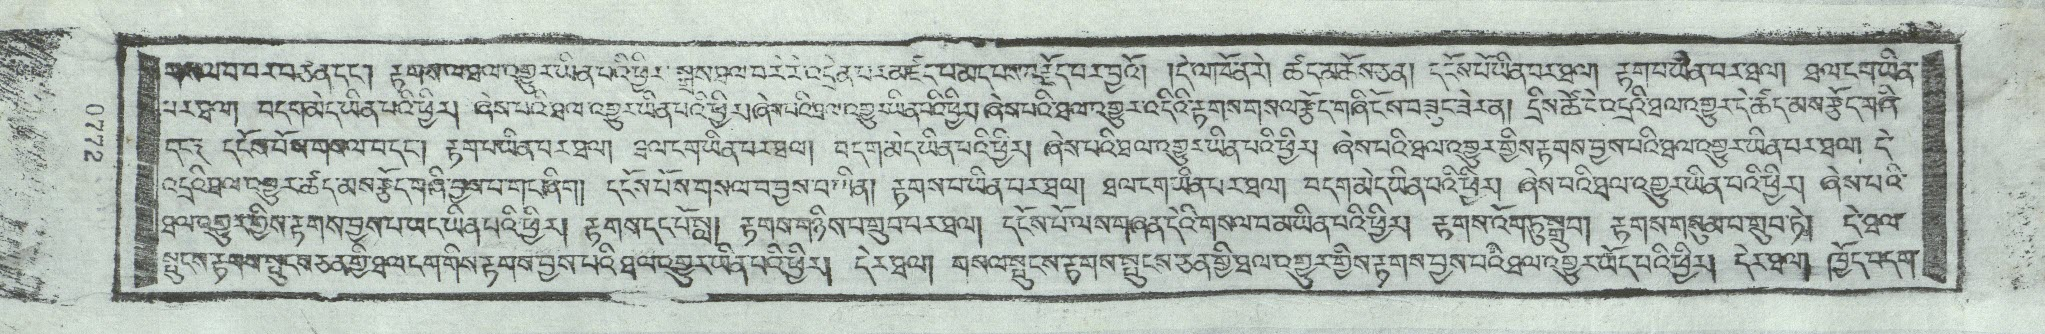གསལ་བར་བཙན་དང་། རྟགས་ལ་ཐལ་འགྱུར་ཡིན་པའི་ཕྱིར་སྒྲས་ཐལ་བ་རེ་རེ་འདྲེན་པར་མཛད་པ་མད་པས་བརྗོད་པར་བྱའོ། །དེ་ལ་ཁོ་ན་རེ། ཚད་མཆོས་ཅན། དངོས་པོ་ཡིན་པར་ཐལ། རྟག་པ་ཡིན་པར་ཐལ། ཐལ་ངག་ཡིན་
པར་ཐལ། བདག་མེད་ཡིན་པའི་ཕྱིར། ཞེས་པའི་ཐལ་འགྱུར་ཡིན་པའི་ཕྱིར། ཞེས་པའི་ཐལ་འགྱུར་ཡིན་པའི་ཕྱིར། ཞེས་པའི་ཐལ་འགྱུར་འདིའི་རྟགས་གསལ་རྩོད་གཞི་ངོས་བཟུང་ཟེར་ན། དྲིས་ཚེ་ངེ་འདྲའི་ཐལ་འགྱུར་དེ་ཚད་མས་རྩོད་གཞི་
དང༑ དངོས་པོས་གསལ་བ་དང་། རྟག་པ་ཡིན་པར་ཐལ། ཐལ་ངག་ཡིན་པར་ཐལ། བདག་མེད་ཡིན་པའི་ཕྱིར། ཞེས་པའི་ཐལ་འགྱུར་ཡིན་པའི་ཕྱིར། ཞེས་པའི་ཐལ་འགྱུར་གྱིས་རྟགས་བྱས་པའི་ཐལ་འགྱུར་ཡིན་པར་ཐལ། དེ་
འབྲའི་ཐལ་འགྱུར་ཚད་མས་རྩོད་གཞི་བྱས་པ་གང་ཞིག། དངོས་པོས་གསལ་བར་བྱས་པ་ཡིན། རྟག་པ་ཡིན་པར་ཐལ། ཐལ་ངག་ཡིན་པར་ཐལ། བདག་མེད་ཡིན་པའི་ཕྱིར། ཞེས་པའི་ཐལ་འགྱུར་ཡིན་པའི་ཕྱིར། ཞེས་པའི་
ཐལ་འགྱུར་གྱིས་རྟགས་བྱས་པ་ཡང་ཡིན་པའི་ཕྱིར། རྟགས་དང་པོ་སླ། རྟགས་གཉིས་པ་གྲུབ་པར་ཐལ། དངོས་པོ་ལས་གཞན་དེའི་གསལ་བ་མ་ཡིན་པའི་ཕྱིར། རྟགས་འོག་ཏུ་སྒྲུབ། རྟགས་གསུམ་པ་གྲུབ་ཏེ། དེ་ཐལ་
སྤུངས་རྟགས་སྤུངས་ཅན་གྱི་ཐལ་དག་གིས་རྟགས་བྱས་པའི་ཐལ་འགྱུར་ཡིན་པའི་ཕྱིར། དེར་ཐལ། གསལ་སྤུངས་རྟགས་སྤུངས་ཅན་གྱི་ཐལ་འགྱུར་གྱིས་རྟགས་བྱས་པའི་ཐལ་འགྱུར་ཡོད་པའི་ཕྱིར། དེར་ཐལ། ཁྱོད་བདག་